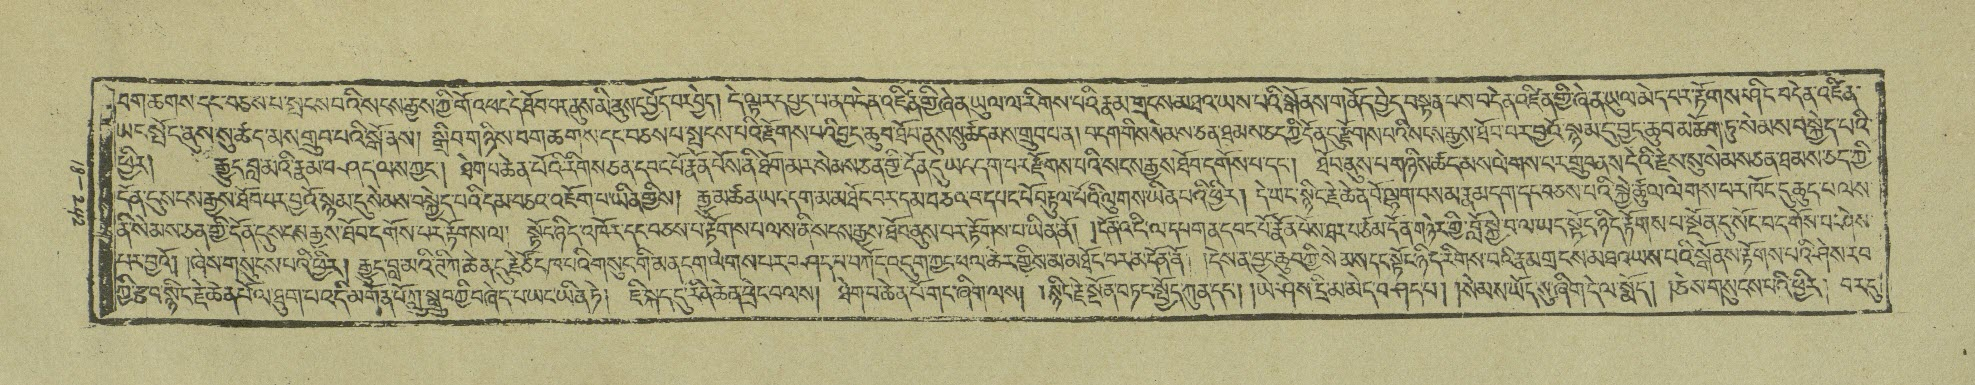བག་ཆགས་དང་བཅས་པ་སྤངས་པའི་སངས་རྒྱས་ཀྱི་གོ་འཕང་དེ་ཐོབ་པར་ནུས་མི་ནུས་དཔྱོད་པར་བྱེད། དེ་ལྟར་དཔྱད་པ་ན་བདེན་འཛིན་གྱི་ཞེན་ཡུལ་ལ་རིགས་པའི་རྣམ་གྲངས་མཐའ་ཡས་པའི་སྒོ་ནས་གནོད་བྱེད་བསྟན་པས་བདེན་འཛིན་གྱི་ཞེན་ཡུལ་མེད་པར་རྟོགས་ཤིང་བདེན་འཛིན་
ཡང་སྤོང་ནུས་སུ་ཚད་མས་གྲུབ་པའི་སྒོ་ནས། སྒྲིབ་གཉིས་བག་ཆགས་དང་བཅས་པ་སྤངས་པའི་རྫོགས་པའི་བྱང་ཆུབ་ཐོབ་ནུས་སུ་ཚད་མས་གྲུབ་པ་ན། བདག་གིས་སེམས་ཅན་ཐམས་ཅད་ཀྱི་དོན་དུ་རྫོགས་པའི་སངས་རྒྱས་ཐོབ་བར་བྱའོ་སྙམ་དུ་བྱང་ཆུབ་མཆོག་ཏུ་སེམས་བསྐྱེད་པའི་
ཕྱིར། རྒྱུད་བླ་མའི་རྣམ་བཤད་ལས་ཀྱང་། ཐེག་པ་ཆེན་པོའི་རིགས་ཅན་དབང་པོ་རྣོན་པོས་ནི་ཐོག་མར་སེམས་ཅན་གྱི་དོན་དུ་ཡང་དག་པར་རྫོགས་པའི་སངས་རྒྱས་ཐོབ་དགོས་པ་དང་། ཐོབ་ནུས་པ་གཉིས་ཚད་མས་ལེགས་པར་གྲུབ་ནས་དེའི་རྗེས་སུ་སེམས་ཅན་ཐམས་ཅད་ཀྱི་
དོན་དུ་སངས་རྒྱས་ཐོབ་བར་བྱའོ་སྙམ་དུ་སེམས་བསྐྱེད་པའི་དམ་བཅའ་འཇོག་པ་ཡིན་གྱིས། རྒྱུ་མཚན་ཡང་དག་མ་མཐོང་བར་དམ་བཅའ་བ་དབང་པོ་བརྟུལ་པོའི་ལུགས་ཡིན་པའི་ཕྱིར། དེ་ཡང་སྙིང་རྗེ་ཆེན་པོ་ལྷག་བསམ་རྣམ་དག་དང་བཅས་པའི་སྐྱེ་ཚུལ་ལེགས་པར་ཁོང་དུ་ཆུང་པ་ལས་
ནི་སེམས་ཅན་གྱི་དོན་དུ་སངས་རྒྱས་ཐོབ་དགོས་པར་རྟོགས་ལ། སྟོང་ཉིད་འཁོར་དང་བཅས་པ་རྟོགས་པ་ལས་ནི་སངས་རྒྱས་ཐོབ་ནུས་པར་རྟོགས་པ་ཡིན་ནོ། །དོན་འདི་ལ་དཔག་ན་དབང་པོ་རྣོན་པོས་ཐར་བ་ཙམ་དོན་གཉེར་གྱི་བློ་སྐྱེ་བ་ལ་ཡང་སྟོང་ཉིད་རྟོགས་པ་སྔོན་དུ་སོང་བ་དགོས་པ་ཤེས་
པར་བྱའོ། །ཞེས་གསུངས་པའི་ཕྱིར། རྒྱུད་བླ་མའི་ཊིཀ་ཆེན་དུ་རྗེ་ཙོང་ཁ་པའི་གསུང་གི་མན་ངག་ལེགས་པར་བཤད་པ་བཀོད་འདུག་ཀྱང་ཕལ་ཆེར་གྱིས་མ་མཐོང་བར་མདོན་ནོ། །དེས་ན་བྱང་ཆུབ་ཀྱི་སེམས་དང་སྟོང་ཉིད་རིགས་པའི་རྣམ་གྲངས་མཐའ་ཡས་པའི་སྒོ་ནས་རྟོགས་པའི་ཤེས་རབ་
ཀྱི་རྩ་བ་སྙིང་རྗེ་ཆེན་པོ་ལ་ཐུག་པ་འདི་མགོན་པོ་ཀླུ་སྒྲུབ་ཀྱི་བཞེད་པ་ཡང་ཡིན་ཏེ། ཇི་སྐད་དུ་རིན་ཆེན་ཕྲེང་བ་ལས། ཐེག་པ་ཆེན་པོ་གང་ཞིག་ལས། །སྙིང་རྗེ་སྔོན་བཏང་སྤྱོད་ཀུན་དང་། །ཡེ་ཤེས་དྲི་མ་མེད་པ་ཤད་པ། །སེམས་ཡོད་དུ་ཞིག་དེ་ལ་སྨོད། །ཅེས་གསུངས་པའི་ཕྱིར། བར་དུ་